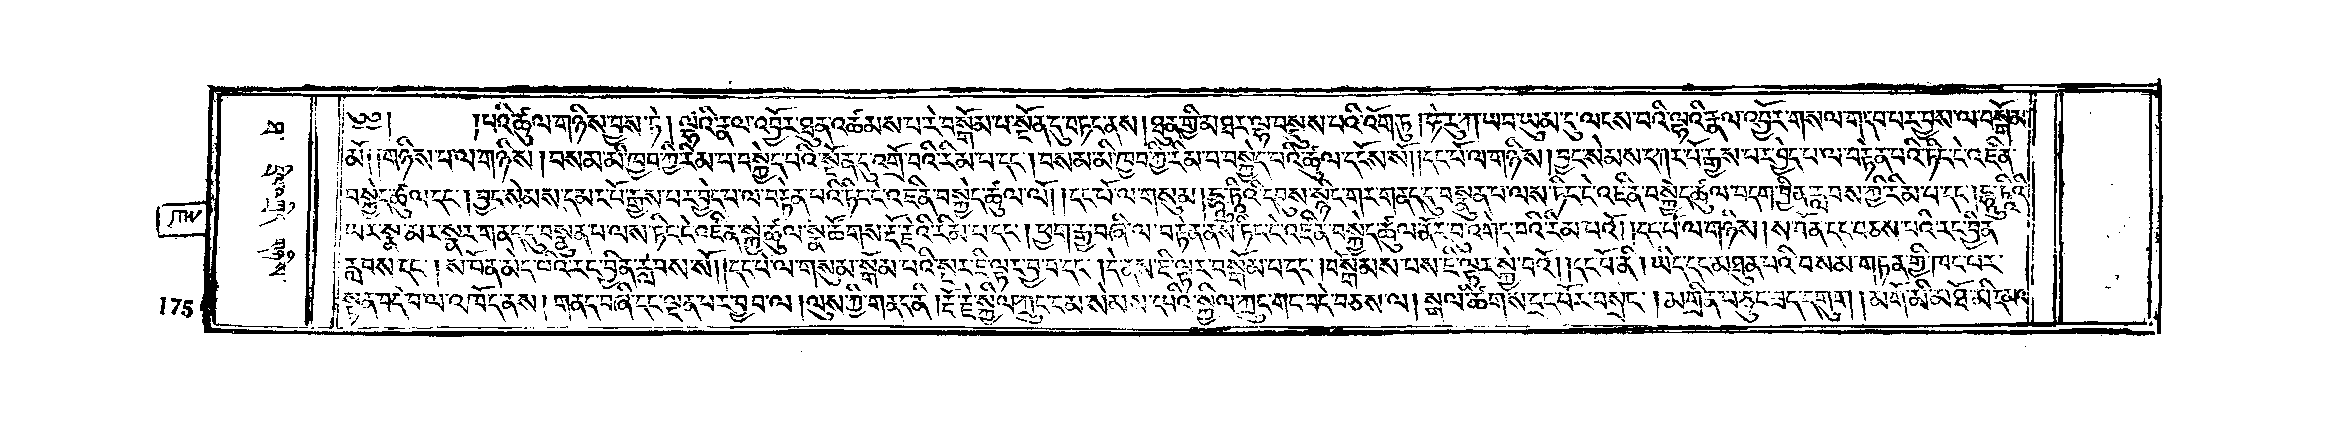༄༅། །པའི་ཚུལ་གཉིས་བྱས་ཏེ། ལྷའི་རྣལ་འབྱོར་ཐུན་འཚམས་པ་རེ་བསྒོམ་པ་སྔོན་དུ་བཏང་ནས། ཐུན་གྱི་མཐར་ལྷ་བསྡུས་པའི་འོག་ཏུ། ཧེ་རུ་ཀ་ཡབ་ཡུམ་དུ་ལངས་པའི་ལྷའི་རྣལ་འབྱོར་གསལ་གདབ་པར་བྱས་ལ་བསྒོམ་
མོ། །གཉིས་པ་ལ་གཉིས། བསམ་མི་ཁྱབ་ཀྱི་རིམ་པ་བསྐྱེད་པའི་སྔོན་དུ་འགྲོ་བའི་རིམ་པ་དང་། བསམ་མི་ཁྱབ་ཀྱི་རིམ་པ་བསྐྱེད་པའི་ཚུལ་དངོས་སོ། །དང་པོ་ལ་གཉིས། བྱང་སེམས་དཀར་པོ་རྒྱས་པར་བྱེད་པ་ལ་བརྟེན་པའི་ཏིང་ངེ་འཛིན་
བསྐྱེད་ཚུལ་དང་། བྱང་སེམས་དམར་པོ་རྒྱས་པར་བྱེད་པ་ལ་བརྟེན་པའི་ཏིང་ངེ་འཛིན་བསྐྱེད་ཚུལ་ལོ། །དང་པོ་ལ་གསུམ། དྷཱུ་ཏཱིའི་དབུས་སྙིང་གར་གནད་དུ་བསྣུན་པ་ལས་ཏིང་ངེ་འཛིན་བསྐྱེད་ཚུལ་བདག་བྱིན་རླབས་ཀྱི་རིམ་པ་དང་། དྷཱུ་ཏཱིའི་
ཡར་སྣ་མར་སྣར་གནད་དུ་བསྣུན་པ་ལས་ཏིང་ངེ་འཛིན་སྐྱེ་ཚུལ་སྣ་ཚོགས་རྡོ་རྗེའི་རིམ་པ་དང་། ཕྱག་རྒྱ་བཞི་ལ་བརྟེན་ནས་ཏིང་ངེ་འཛིན་བསྐྱེད་ཚུལ་ནོར་བུ་འགེང་བའི་རིམ་པའོ། །དང་པོ་ལ་གཉིས། ས་བོན་དང་བཅས་པའི་རང་བྱིན་
རླབས་དང་། ས་བོན་མེད་པའི་རང་བྱིན་རླབས་སོ། །དང་པོ་ལ་གསུམ་སྒོམ་པའི་སྔར་ཇི་ལྟར་བྱ་བ་དང་། དེ་ནས་ཇི་ལྟར་བསྒོམ་པ་དང་། བསྒོམས་པས་ཇི་ལྟར་སྐྱེ་བའོ། །དང་པོ་ནི། ཡིད་དང་མཐུན་པའི་བསམ་གཏན་གྱི་ཁང་པར་
སྟན་བདེ་བ་ལ་འཁོད་ནས། གནད་བཞི་དང་ལྡན་པར་བྱ་བ་ལ། ལུས་ཀྱི་གནད་ནི། རྡོ་རྗེ་སྐྱིལ་ཀྲུང་ངམ་སེམས་དཔའི་སྐྱིལ་ཀྲུང་གང་བདེ་བཅས་ལ། སྒལ་ཚིགས་དྲང་པོར་བསྲང་། མགྲིན་པ་ཅུང་ཟད་དགུག །མགོ་མི་མཐོ་མི་དམའ་